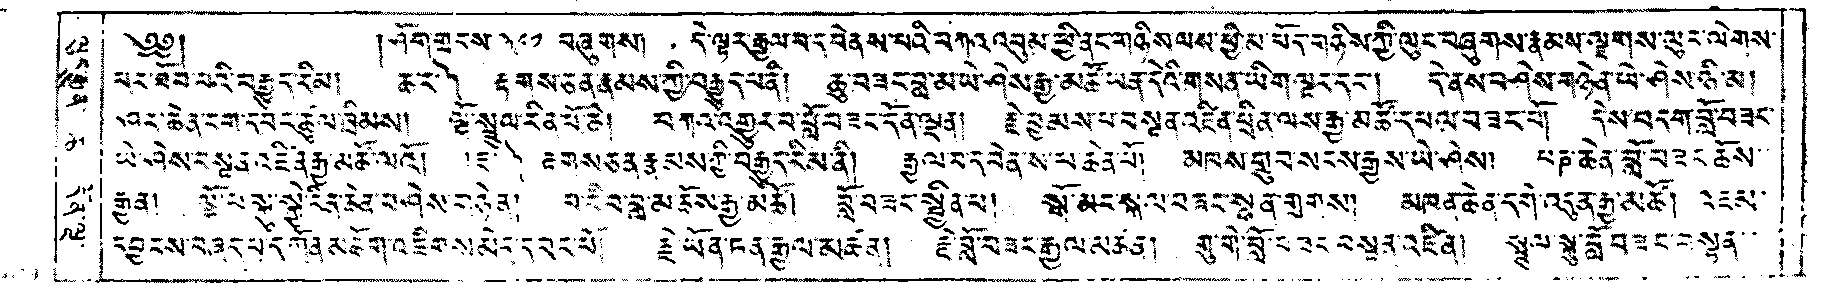༄༅། །ཤོག་གྲངས ༣༩༡་བཞུགས། དེ་ལྟར་རྒྱལ་བ་དབེན་ས་པའི་དཀའ་འབུམ་ཕྱི་ནང་གཉིས་ལས་ཕྱི་མ་པོད་གཉིས་ཀྱི་ལུང་བཞུགས་རྣམས་ལྗགས་ལུང་ལེགས་
པར་ཐོབ་པའི་བརྒྱུད་རིམ། ཆ་ར྄་རྟགས་ཅན་རྣམས་ཀྱི་བརྒྱུད་པ་ནི། ཆུ་བཟང་བླ་མ་ཡེ་ཤེས་རྒྱ་མཚོ་ཡན་དེའི་གསན་ཡིག་ལྟར་དང་། དེ་ནས་གཤེས་གཉེན་ཡེ་ཤེས་ཉི་མ།
ཤར་ཆེན་ངག་དབང་ཚུལ་ཁྲིམས། ལྷོ་སྤྲུལ་རིན་པོ་ཆེ། བཀའ་འགྱུར་བ་བློ་བཟང་དོན་ལྡན། རྗེ་བྱམས་པ་བསྟན་འཛིན་འཕྲིན་ལས་རྒྱ་མཚོ་དཔལ་བཟང་པོ། དེས་བདག་བློ་བཟང་
ཡེ་ཤེས་བསྟན་འཛིན་རྒྱ་མཚོ་ལའོ། །ཇ྄་རྟགས་ཅན་རྣམས་ཀྱི་བརྒྱུད་རིམ་ནི། རྒྱལ་བ་དབེན་ས་པ་ཆེན་པོ། མཁས་གྲུབ་སངས་རྒྱས་ཡེ་ཤེས། པཎ་ཆེན་བློ་བཟང་ཆོས་
རྒྱན། ལྷོ་པ་སྐུ་སྐྱེ་རིན་ཆེན་བཤེས་གཉེན། བ་རི་བ་བླ་མ་ཆོས་རྒྱ་མཚོ། བློ་བཟང་སྤྱིན་པ། སྒོ་མང་སྐལ་བཟང་སྙང་གྲགས། མཁན་ཆེན་དགེ་འདུན་རྒྱ་མཚོ། འཇམ་
དབྱངས་བཞད་པ་དཀོན་མཆོག་འཇིགས་མེད་དབང་པོ། རྗེ་ཡོན་ཏན་རྒྱལ་མཚན། རྗེ་བློ་བཟང་རྒྱལ་མཚན། གུ་གེ་བློ་བཟང་བསྟན་འཛིན། སྤྲུལ་སྐུ་བློ་བཟང་བསྟན་